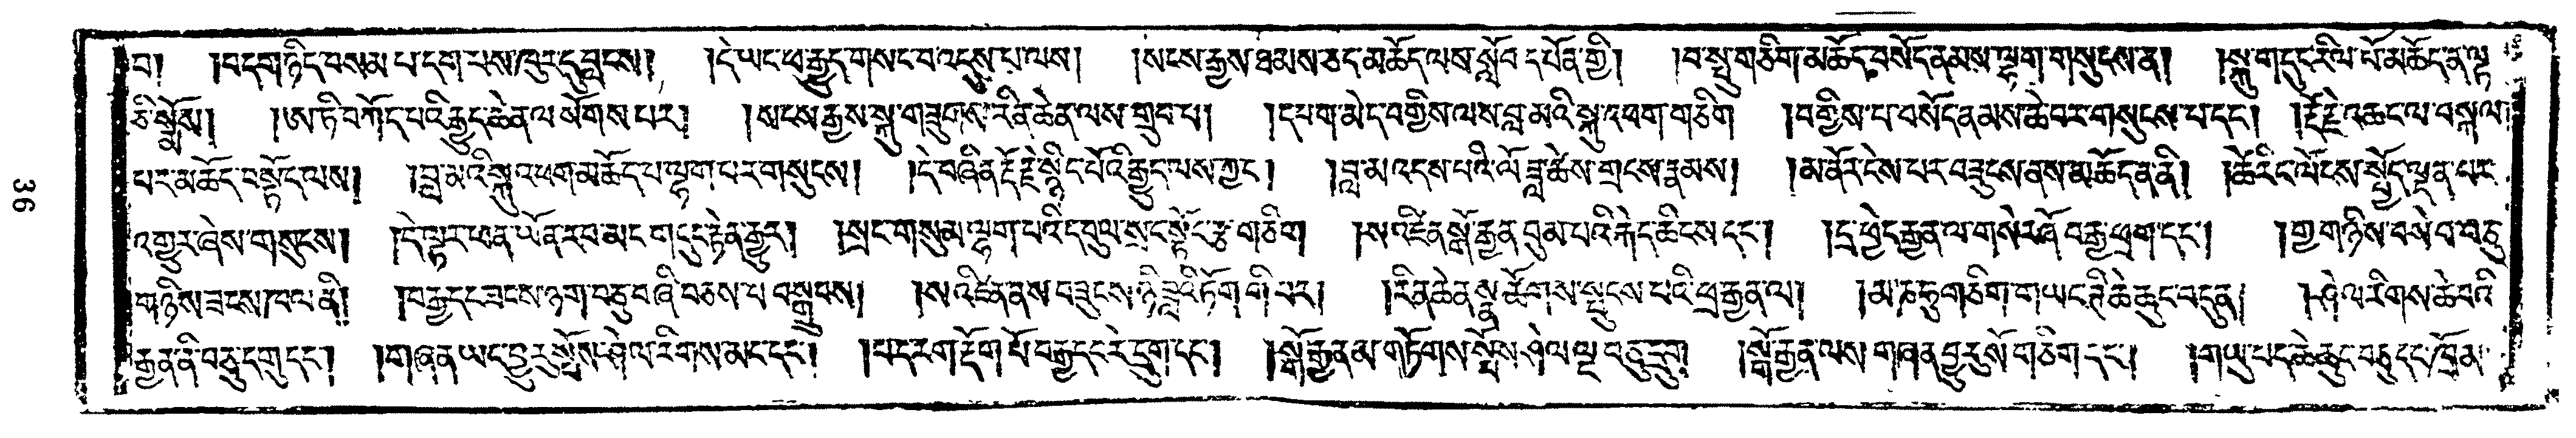བ། །བདག་ཉིད་བསམ་པ་དག་པས་ཁུར་དུ་བླངས། །དེ་ཡང་ཕ་རྒྱུད་གསང་བ་འདུས་པ་ལས། །སངས་རྒྱས་ཐམས་ཅད་མཆོད་ལས་སློབ་དཔོན་གྱི། །བ་སྤུ་གཅིག་མཆོད་བསོད་ནམས་ལྷག་གསུངས་ན། །སྐུ་གདུང་རིལ་པོ་མཆོད་ན་ལྟ་
ཅི་སྨོས། །ཨ་ཏི་བཀོད་པའི་རྒྱུད་ཆེན་ལ་སོགས་པར། །སངས་རྒྱས་སྐུ་གཟུགས་རིན་ཆེན་ལས་གྲུབ་པ། །དཔག་མེད་བགྱིས་ལས་བླ་མའི་སྐུ་འཕག་གཅིག །བགྱིས་པ་བསོད་ནམས་ཆེ་བར་གསུངས་པ་དང་། །རྡོ་རྗེ་འཆང་ལ་བསྐལ་
པར་མཆོད་བསྟོད་ལས། །བླ་མའི་སྐུ་འཕགས་མཆོད་པ་ལྷག་པར་གསུངས། །དེ་བཞིན་རྡོ་རྗེ་སྙིང་པོའི་རྒྱུད་ལས་ཀྱང་། །བླ་མ་འདས་པའི་ལོ་ཟླ་ཚེས་གྲངས་རྣམས། །མ་ནོར་ངེས་པར་བཟུངས་ནས་མཆོད་ན་ནི། །ཚེ་རིང་ལོངས་སྤྱོད་ལྡན་པར་
འགྱུར་ཞེས་གསུངས། །དེ་ལྟར་ཕན་ཡོན་རབ་མང་གདུང་རྟེན་རྒྱུར། །སྲང་གསུམ་ལྷག་པའི་དབུལ་སྲང་སྟོང་རྩ་གཅིག །ས་འཛིན་སྒོ་རྒྱན་བུམ་པའི་རྐེད་ཆིངས་དང་། །དྲ་ཕྱེད་རྒྱན་ལ་གསེར་ཞོ་བརྒྱ་ཕྲག་དང་། །གྱ་གཉིས་བསེབ་བཅུ་
གཉིས་ཟངས་ཁལ་ནི། །བརྒྱ་དང་ཟངས་ཉག་བཅུ་བཞི་བཅས་པ་བསྒྲུབས། །ས་འཛིན་ནས་བཟུངས་ཉི་ཟླའི་ཏོག་གི་པར། །རིན་ཆེན་སྣ་ཚོགས་སྤུངས་པའི་ཕྲ་རྒྱན་ལ། །མ་ཎ་ཧུ་གཅིག་གཡང་ཊི་ཆེ་ཆུང་བདུན། །ཤེལ་རིགས་ཆེ་བའི་
རྒྱན་ནི་བཅུ་དགུ་དང་། །གཞན་ཡང་བྱུ་རུ་སྤོས་ཤེལ་རིགས་མང་དང་། །པད་རག་རྡོག་པོ་བརྒྱ་དང་རེ་དྲུག་དང་། །སྒོ་རྒྱན་མ་གཏོགས་སྤོས་ཤེལ་ལྔ་བཅུ་དྲུག །སྒོ་རྒྱན་ལས་གཞན་བྱུ་རུ་སོ་གཅིག་དང་། །གཡུ་པད་ཆེ་ཆུང་བཅུ་དང་ཁྲོམ་